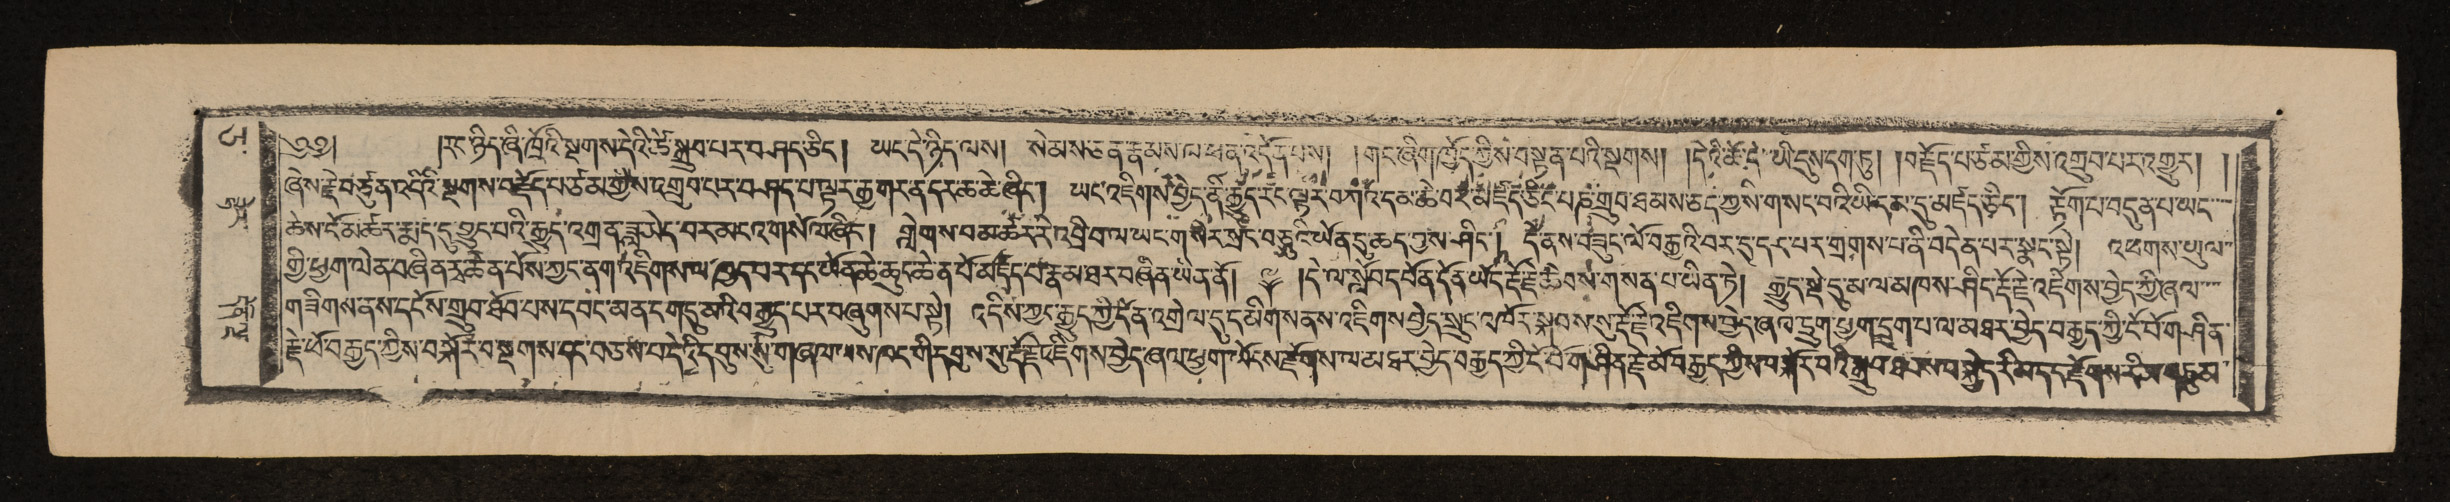༄༅། །རང་ཉིད་ཞི་ཁྲོའི་སྔགས་དེའི་ཚེ་སྒྲུབ་པར་བཤད་ཅིང་། ཡང་དེ་ཉིད་ལས། སེམས་ཅན་རྣམས་ལ་ཕན་འདོད་པས། །གང་ཞིག་ཁྱོད་ཀྱིས་བསྟན་པའི་སྔགས། །དེའི་ཚེ་དེ་ཡི་དུས་དག་ཏུ། །བརྗོད་པ་ཙམ་གྱིས་འགྲུབ་བར་འགྱུར། །
ཞེས་རྗེ་བཙུན་འདིའི་སྔགས་བརྗོད་པ་ཙམ་གྱིས་འགྲུབ་པར་བཤད་པ་ལྟར་རྒྱ་གར་ན་དར་ཆ་ཆེ་ཞིང་། ཡང་འཇིགས་བྱེད་ནི་རྒྱུད་རང་ལྟར་བཀའ་དམ་ཆེ་བར་མཛད་ཅིང་པཎ་གྲུབ་ཐམས་ཅད་ཀྱིས་གསང་བའི་ཡི་དམ་དུ་མཛད་ཅིང་། རྟོག་པ་བདུན་པ་ཡང་
ཆེས་ངོ་མཚར་རྨད་དུ་བྱུང་བའི་རྒྱུད་འགྲན་ཟླ་མེད་པར་མངའ་གསོལ་ཞིང་། གླེགས་བམ་ཚར་རེ་འབྲི་བ་ལ་ཡང་གསེར་སྲང་བཅུའི་ཡོན་ཏན་དུ་ཆད་བྱས་ཤིང་། དེ་ནས་བཟུང་ལོ་བརྒྱའི་བར་དུ་དར་བར་གྲགས་པ་ནི་བདེན་པར་སྣང་སྟེ། འཕགས་ཡུལ་
གྱི་ཕྱག་ལེན་བཞིན་རྭ་ཆེན་པོས་ཀྱང་ནག་འཇིགས་ལ་ཁྱད་པར་དང་ཡོན་ཆེ་ཆུང་ཆེན་པོ་མཛད་པ་རྣམ་ཐར་བཞིན་ཡིན་ནོ། ༈ །དེ་ལ་སློབ་དཔོན་དོན་ཡོད་རྡོ་རྗེ་ཆེ་བས་གསན་པ་ཡིན་ཏེ། རྒྱུད་སྡེ་དུ་མ་ལ་མཁས་ཤིང་རྡོ་རྗེ་འཇིགས་བྱེད་ཀྱི་ཞལ་
གཟིགས་ནས་དངོས་གྲུབ་ཐོབ་པས་དབང་མན་ངག་དུ་མའི་བརྒྱུད་པར་བཞུགས་པ་སྟེ། འདིས་ཀྱང་རྒྱུད་ཀྱི་དོན་འགྲེལ་དུ་དམིགས་ནས་འཇིགས་བྱེད་སྲུང་འཁོར་སྐབས་སུ་རྡོ་རྗེ་འཇིགས་བྱེད་ཞལ་དྲུག་ཕྱག་དྲུག་པ་ལ་མཐར་བྱེད་བརྒྱད་ཀྱི་ངོ་བོ་གཤིན་
རྗེ་ཕོ་བརྒྱད་ཀྱིས་བསྐོར་བ་སྔགས་དང་བཅས་པ་དེའི་དབུས་སུ་གཞལ་ཡས་ཁང་གི་དབུས་སུ་རྡོ་རྗེ་འཇིགས་བྱེད་ཞལ་ཕྱག་ཡོངས་རྫོགས་ལ་མཐར་བྱེད་བརྒྱད་ཀྱི་ངོ་བོ་གཤིན་རྗེ་མོ་བརྒྱད་ཀྱིས་བསྐོར་བའི་སྒྲུབ་ཐབས་བསྐྱེད་རིམ་དང་རྫོགས་རིམ་གཏུམ་